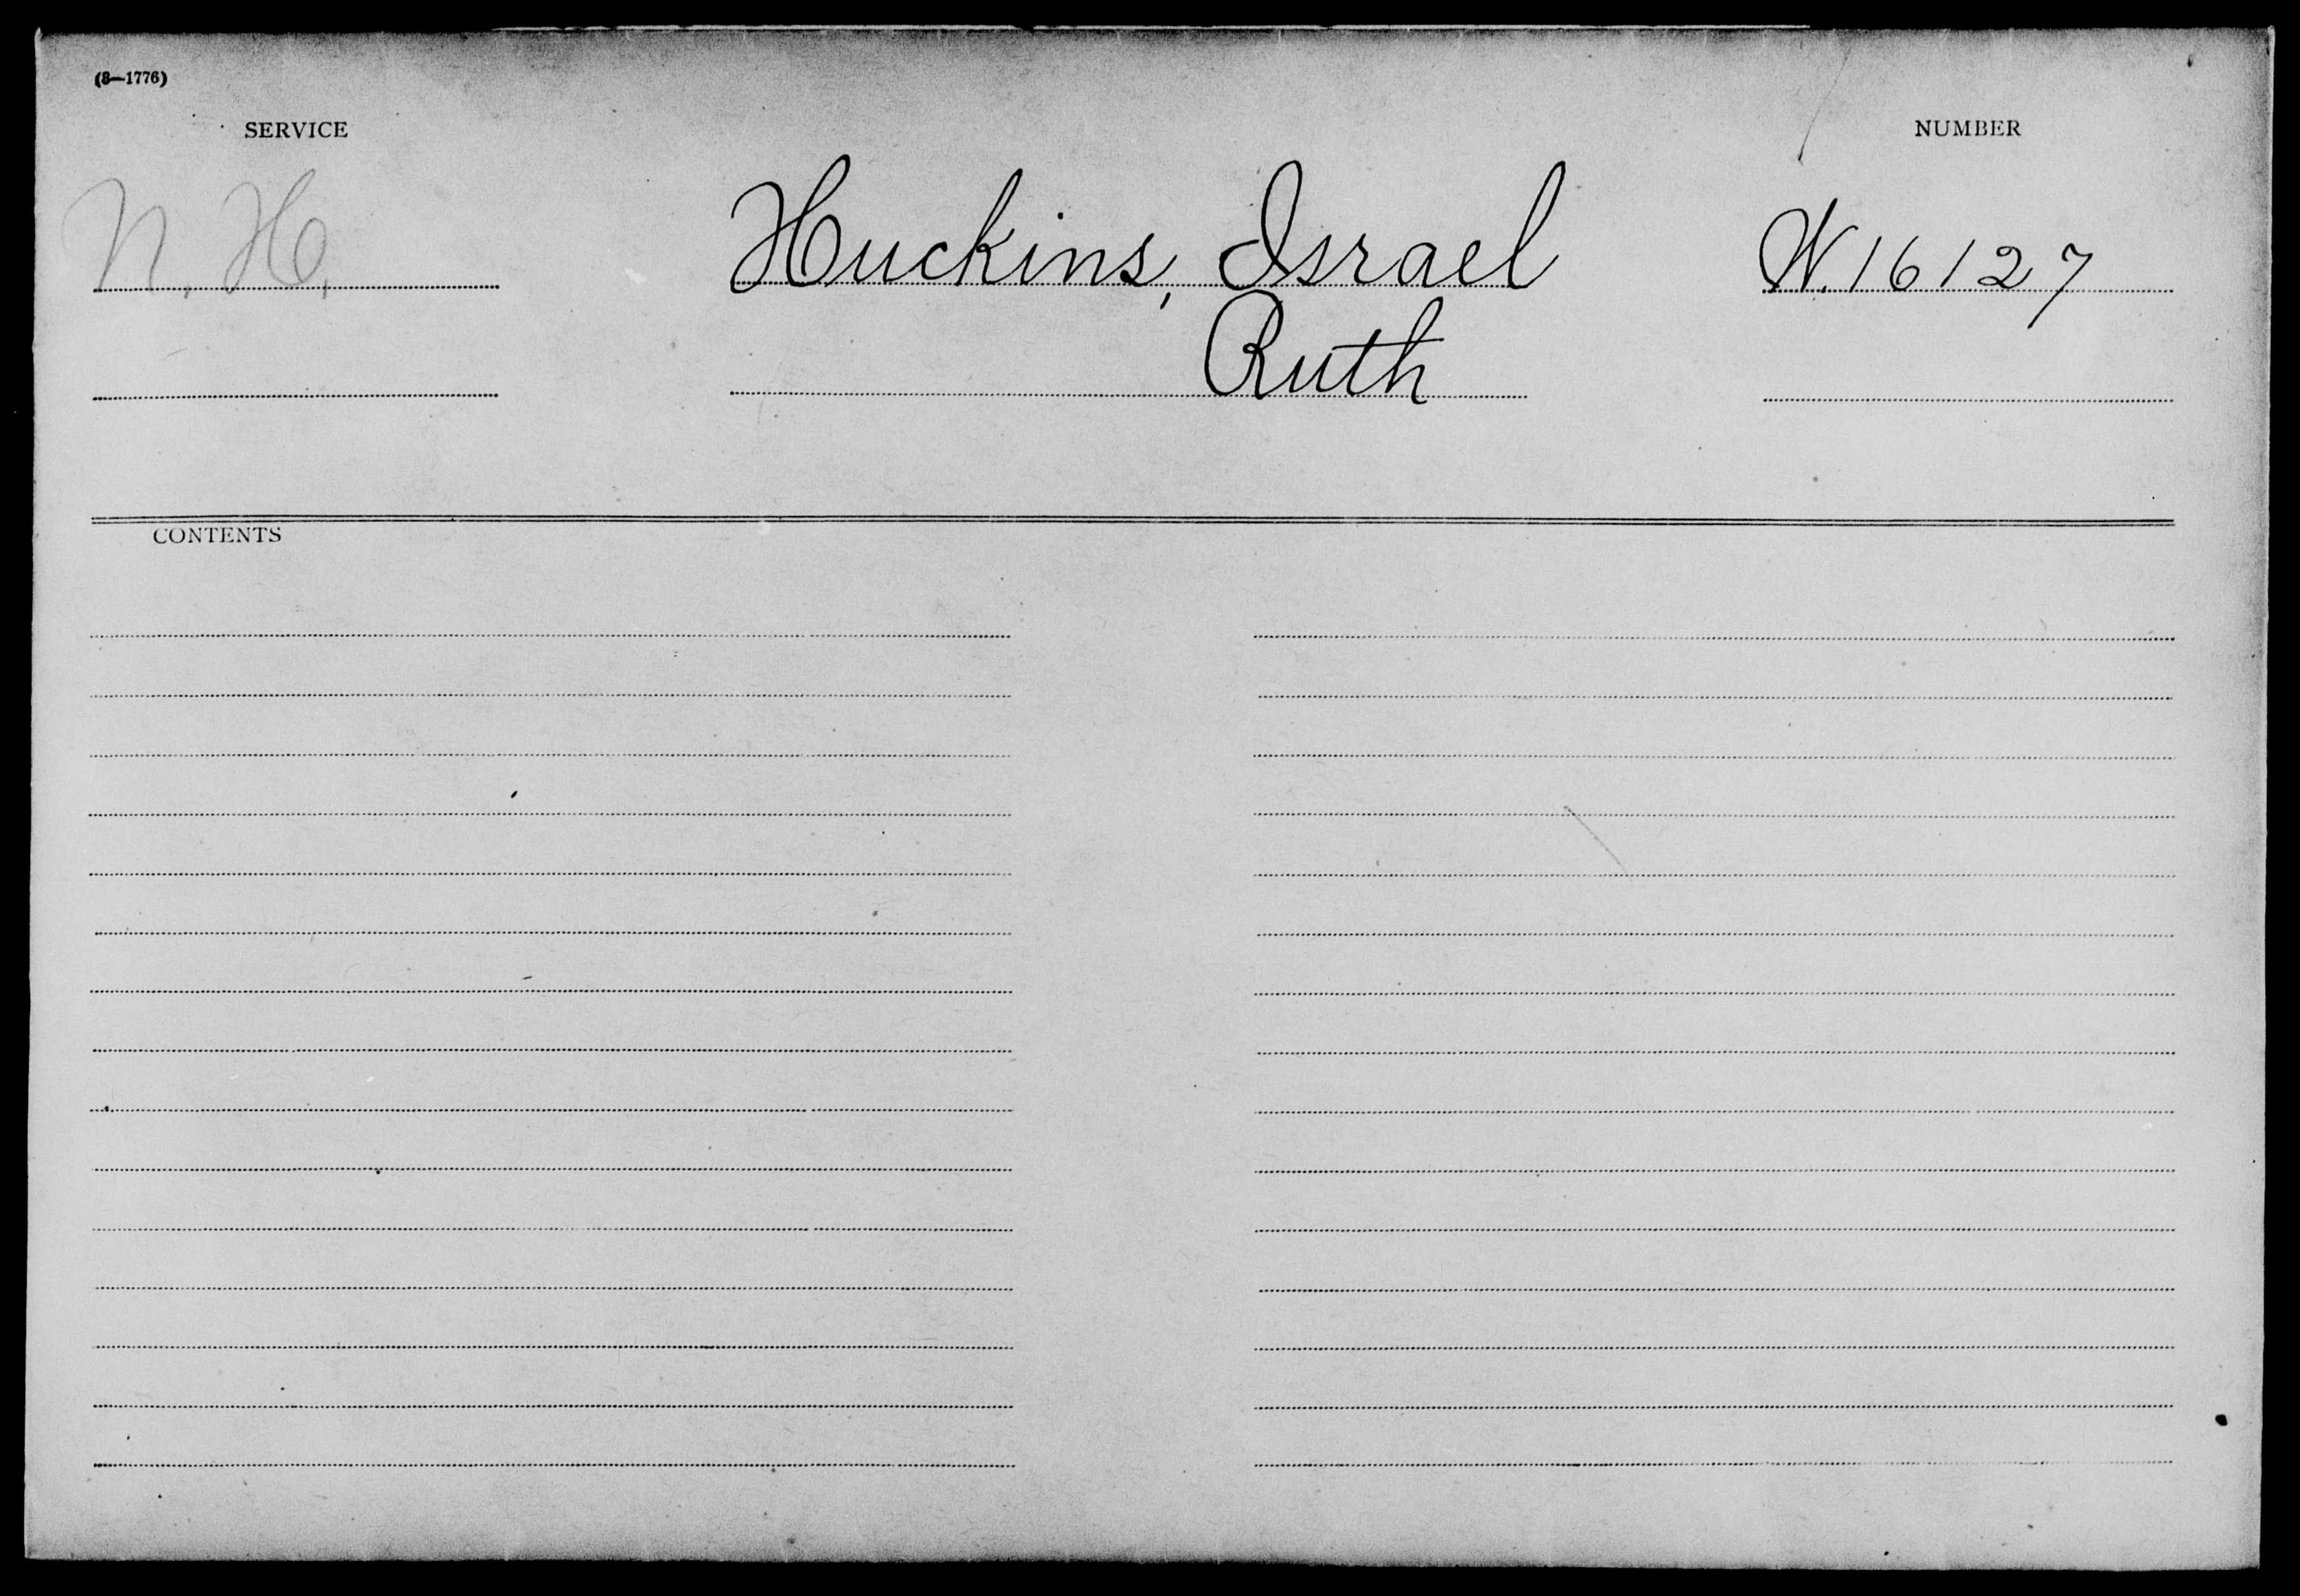N.H.

Israel Huckins
Ruth Huckins

W.16127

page: 1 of 35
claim: widow's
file: W. 16127, Israel Huckins, N.H.